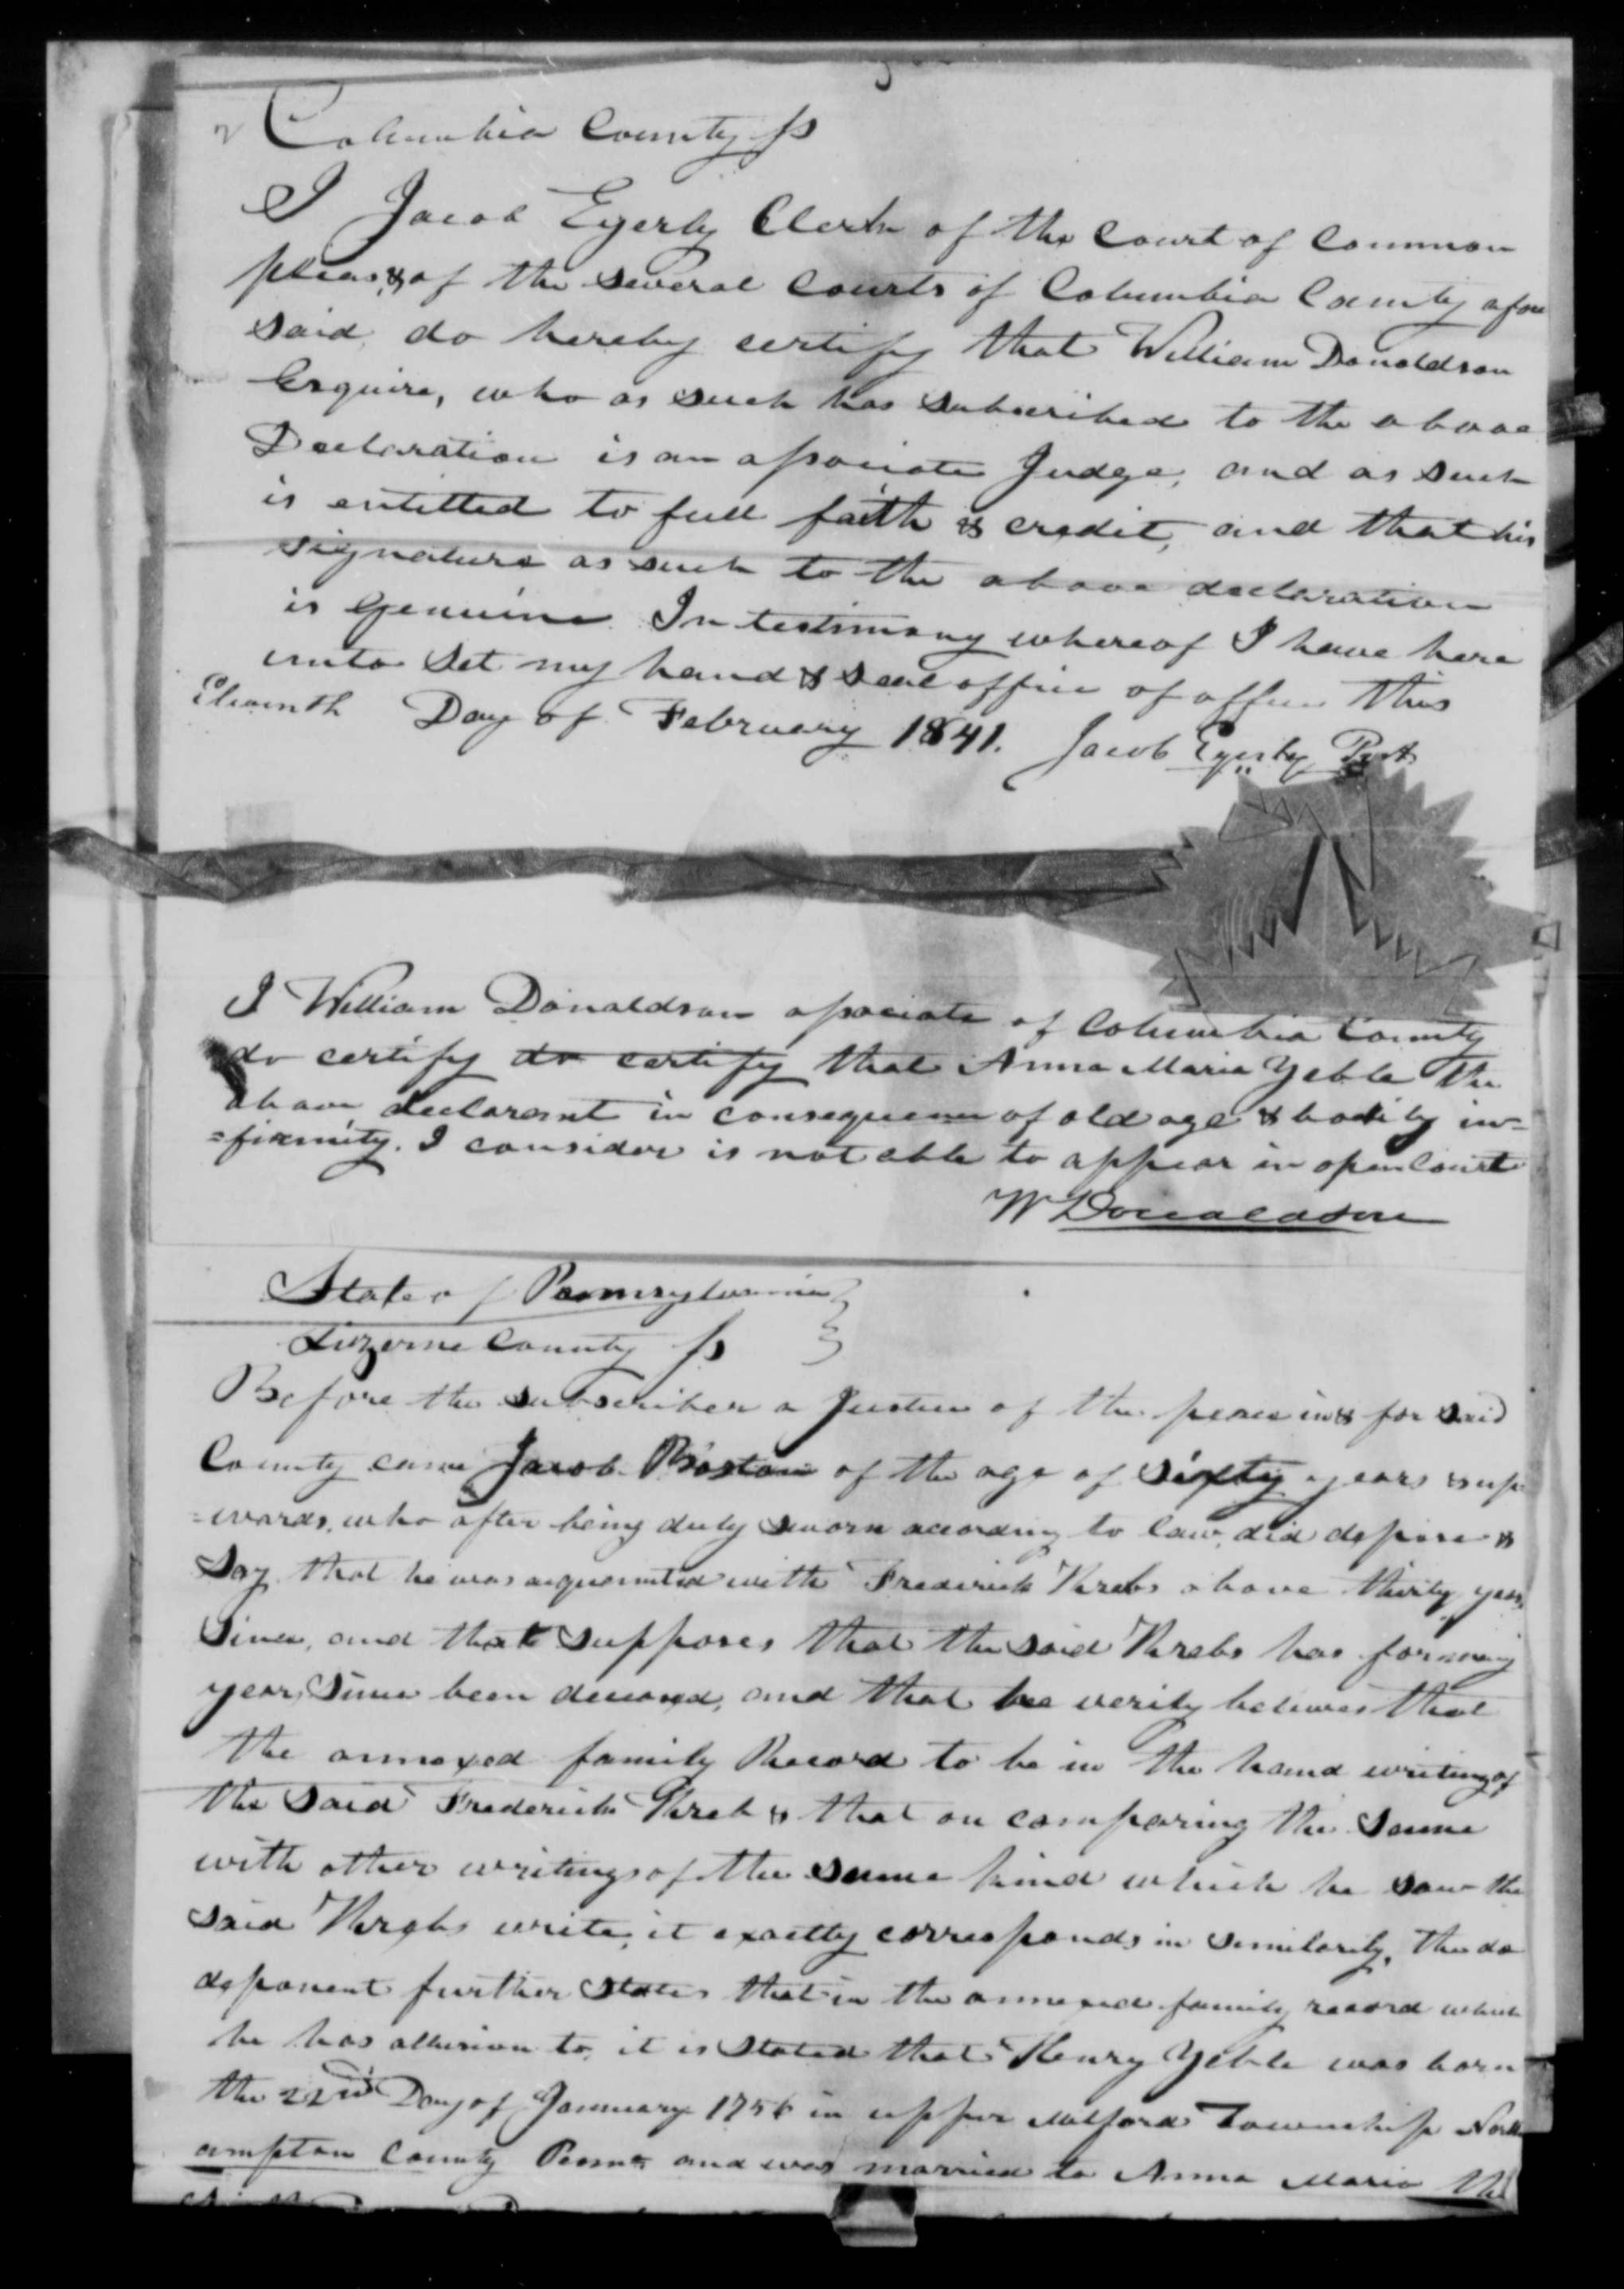Columbia County SS
I Jacob Eyerly Clerk of the Court of Common Pleas and of the several courts of Columbia County aforesaid do hereby certify that William Donaldson Esquire, who as such has subscribed to the above Declaration is an associate Judge, and as such is entitled to full faith and credit and that his signature as such to the above declaration is Genuine. In testimony whereof I have here unto set my hand and seal affix of office this Eleventh Day of February 1841. 
Jacob Eyerly Proth.

I William Donaldson associate of Columbia County do certify that Anna Maria Yeble, the above declarant in consequence of old age and bodily infirmity, I consider is not able to appear in open court. 
W Donaldson

State of Pennsylvania
Luzerne County SS
Before the subscriber a Justice of the Peace in aforesaid County came Jacob Boston of the age of sixty years [illegible] who after being duly sworn according to the law, did depose and say that he was acquainted with Frederick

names: Jacob Eyerly, Jacob Boston, Henry Yeble, Anna Maria Yeble, William Donaldson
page: 6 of 75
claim: widow's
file: W. 3326, Henry Yebel, Continental (Penn.)